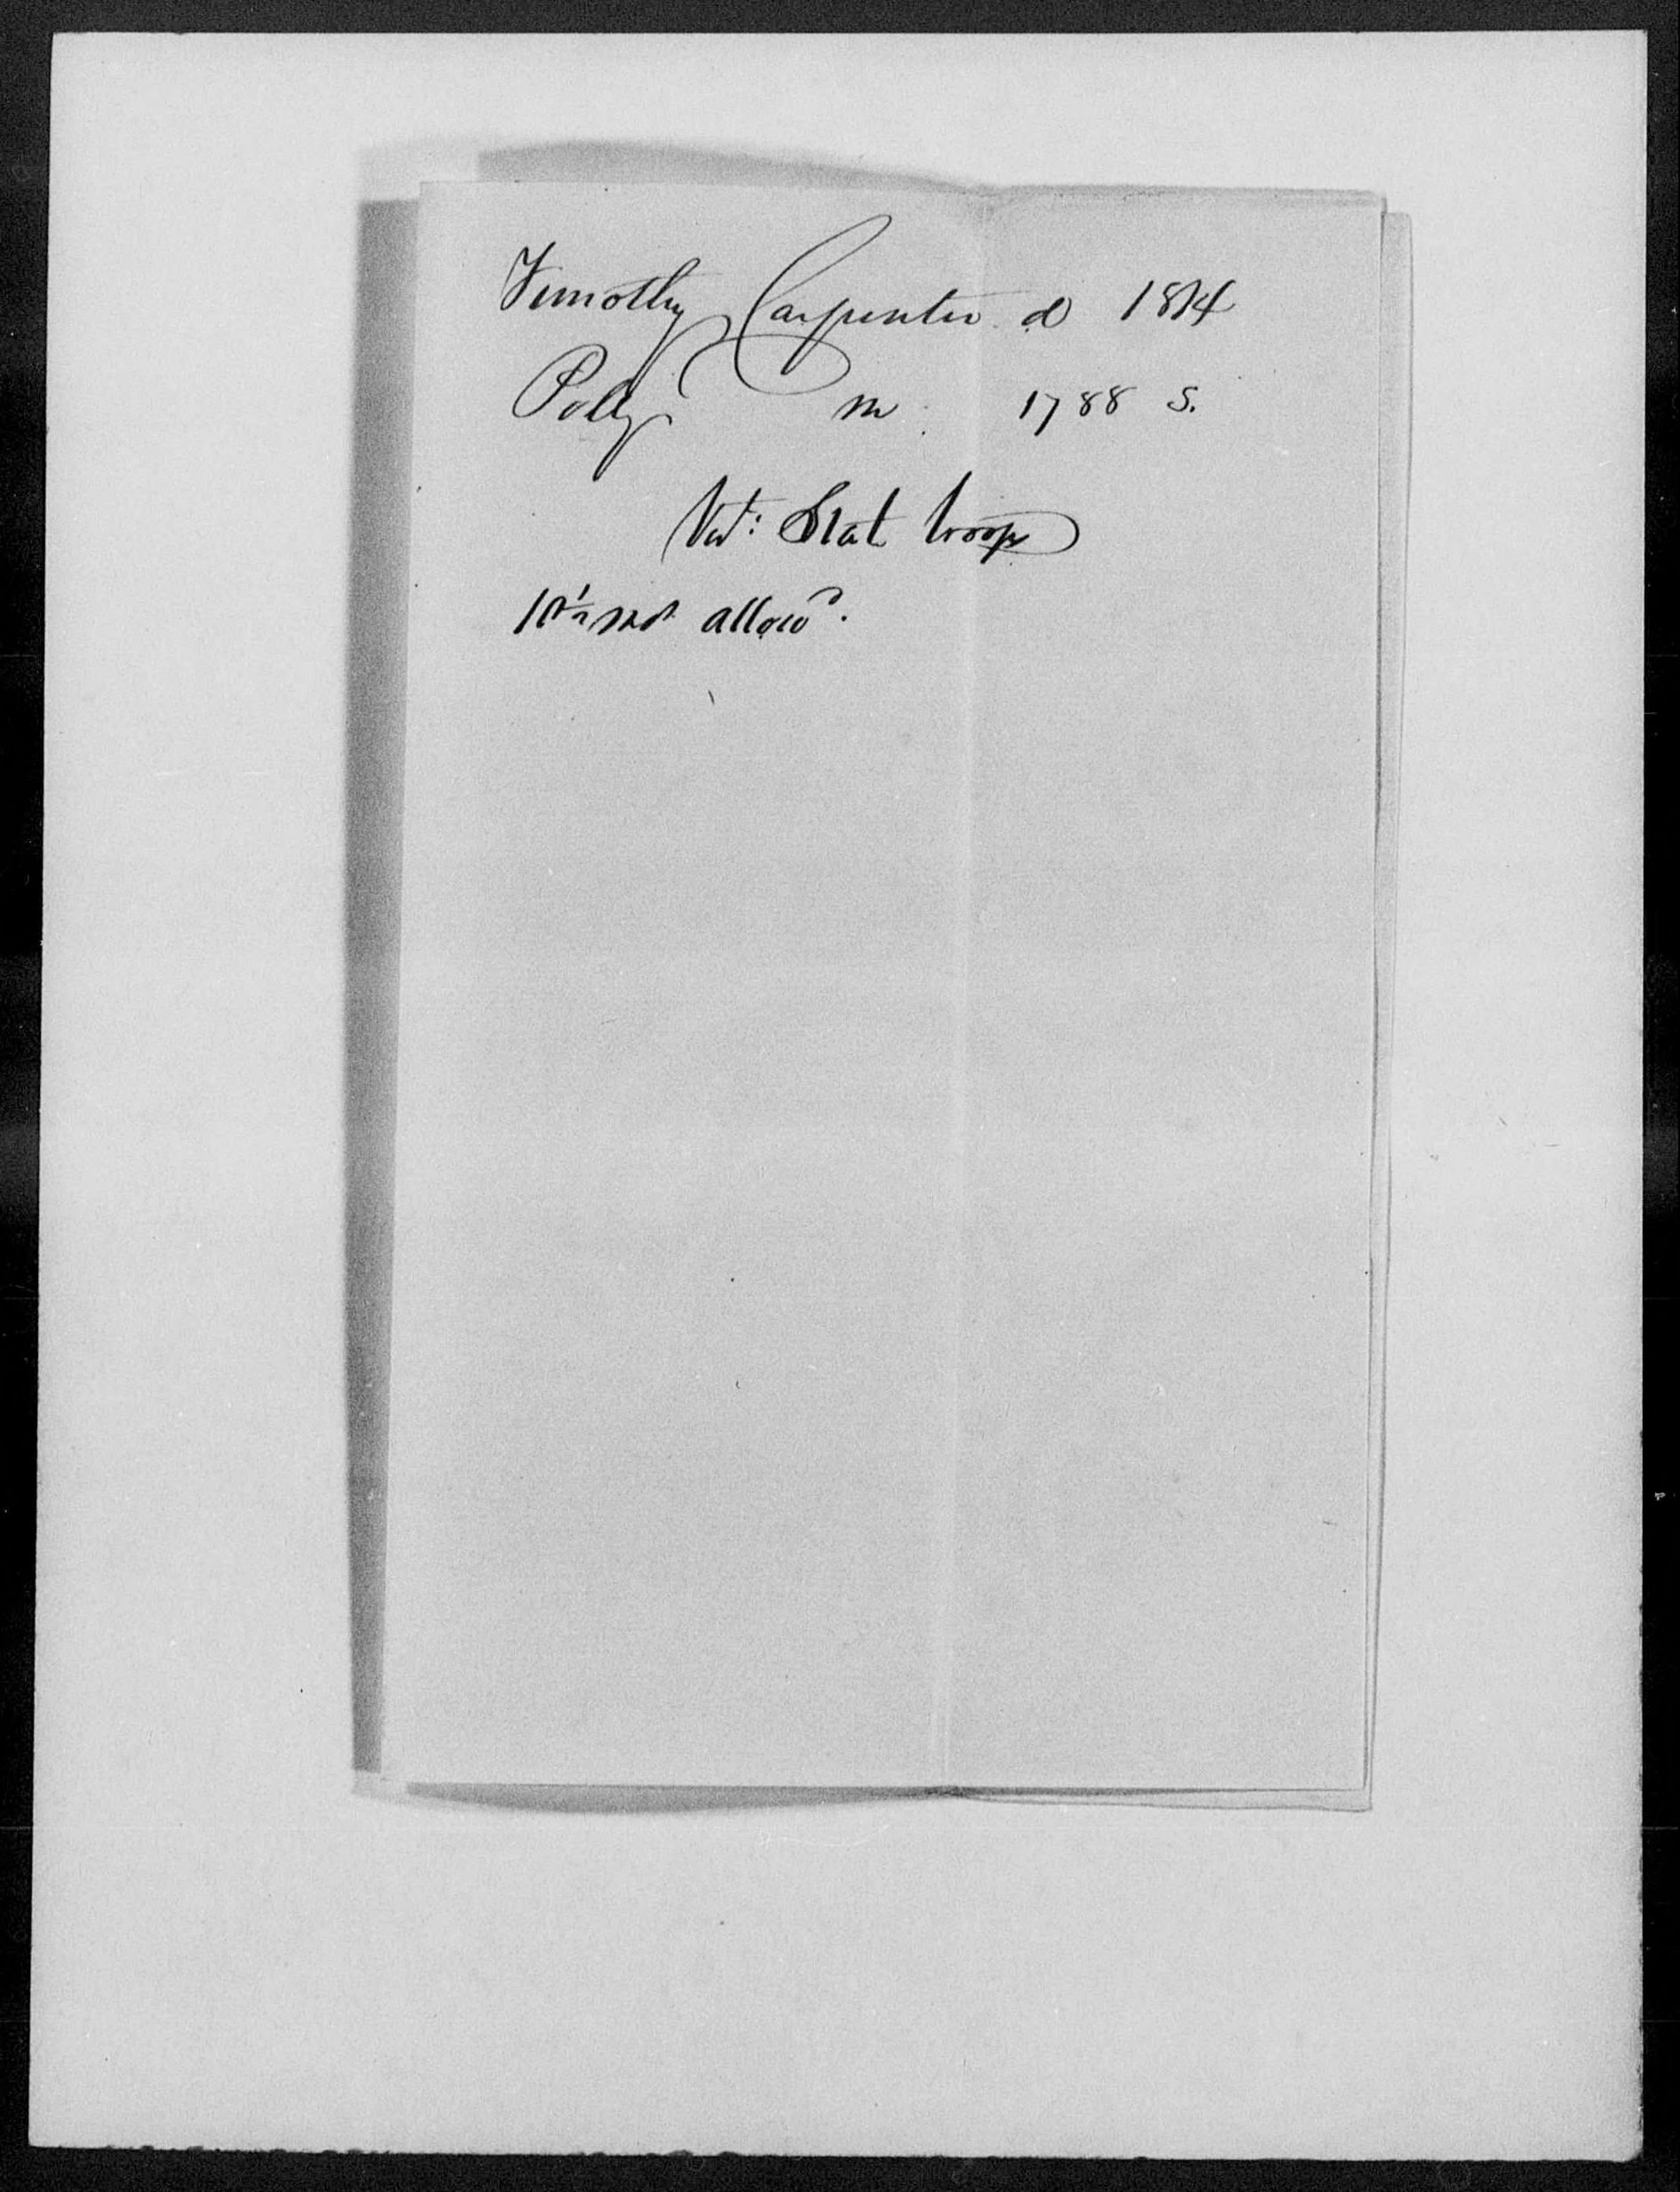Timothy Carpenter d 1814
Polly m. 1788 S.

Vt: State troops
10 1/2 mos allow'd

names: Polly, Timothy Carpenter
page: 22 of 41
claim: widow's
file: W. 15627, Timothy Carpenter, Vt.